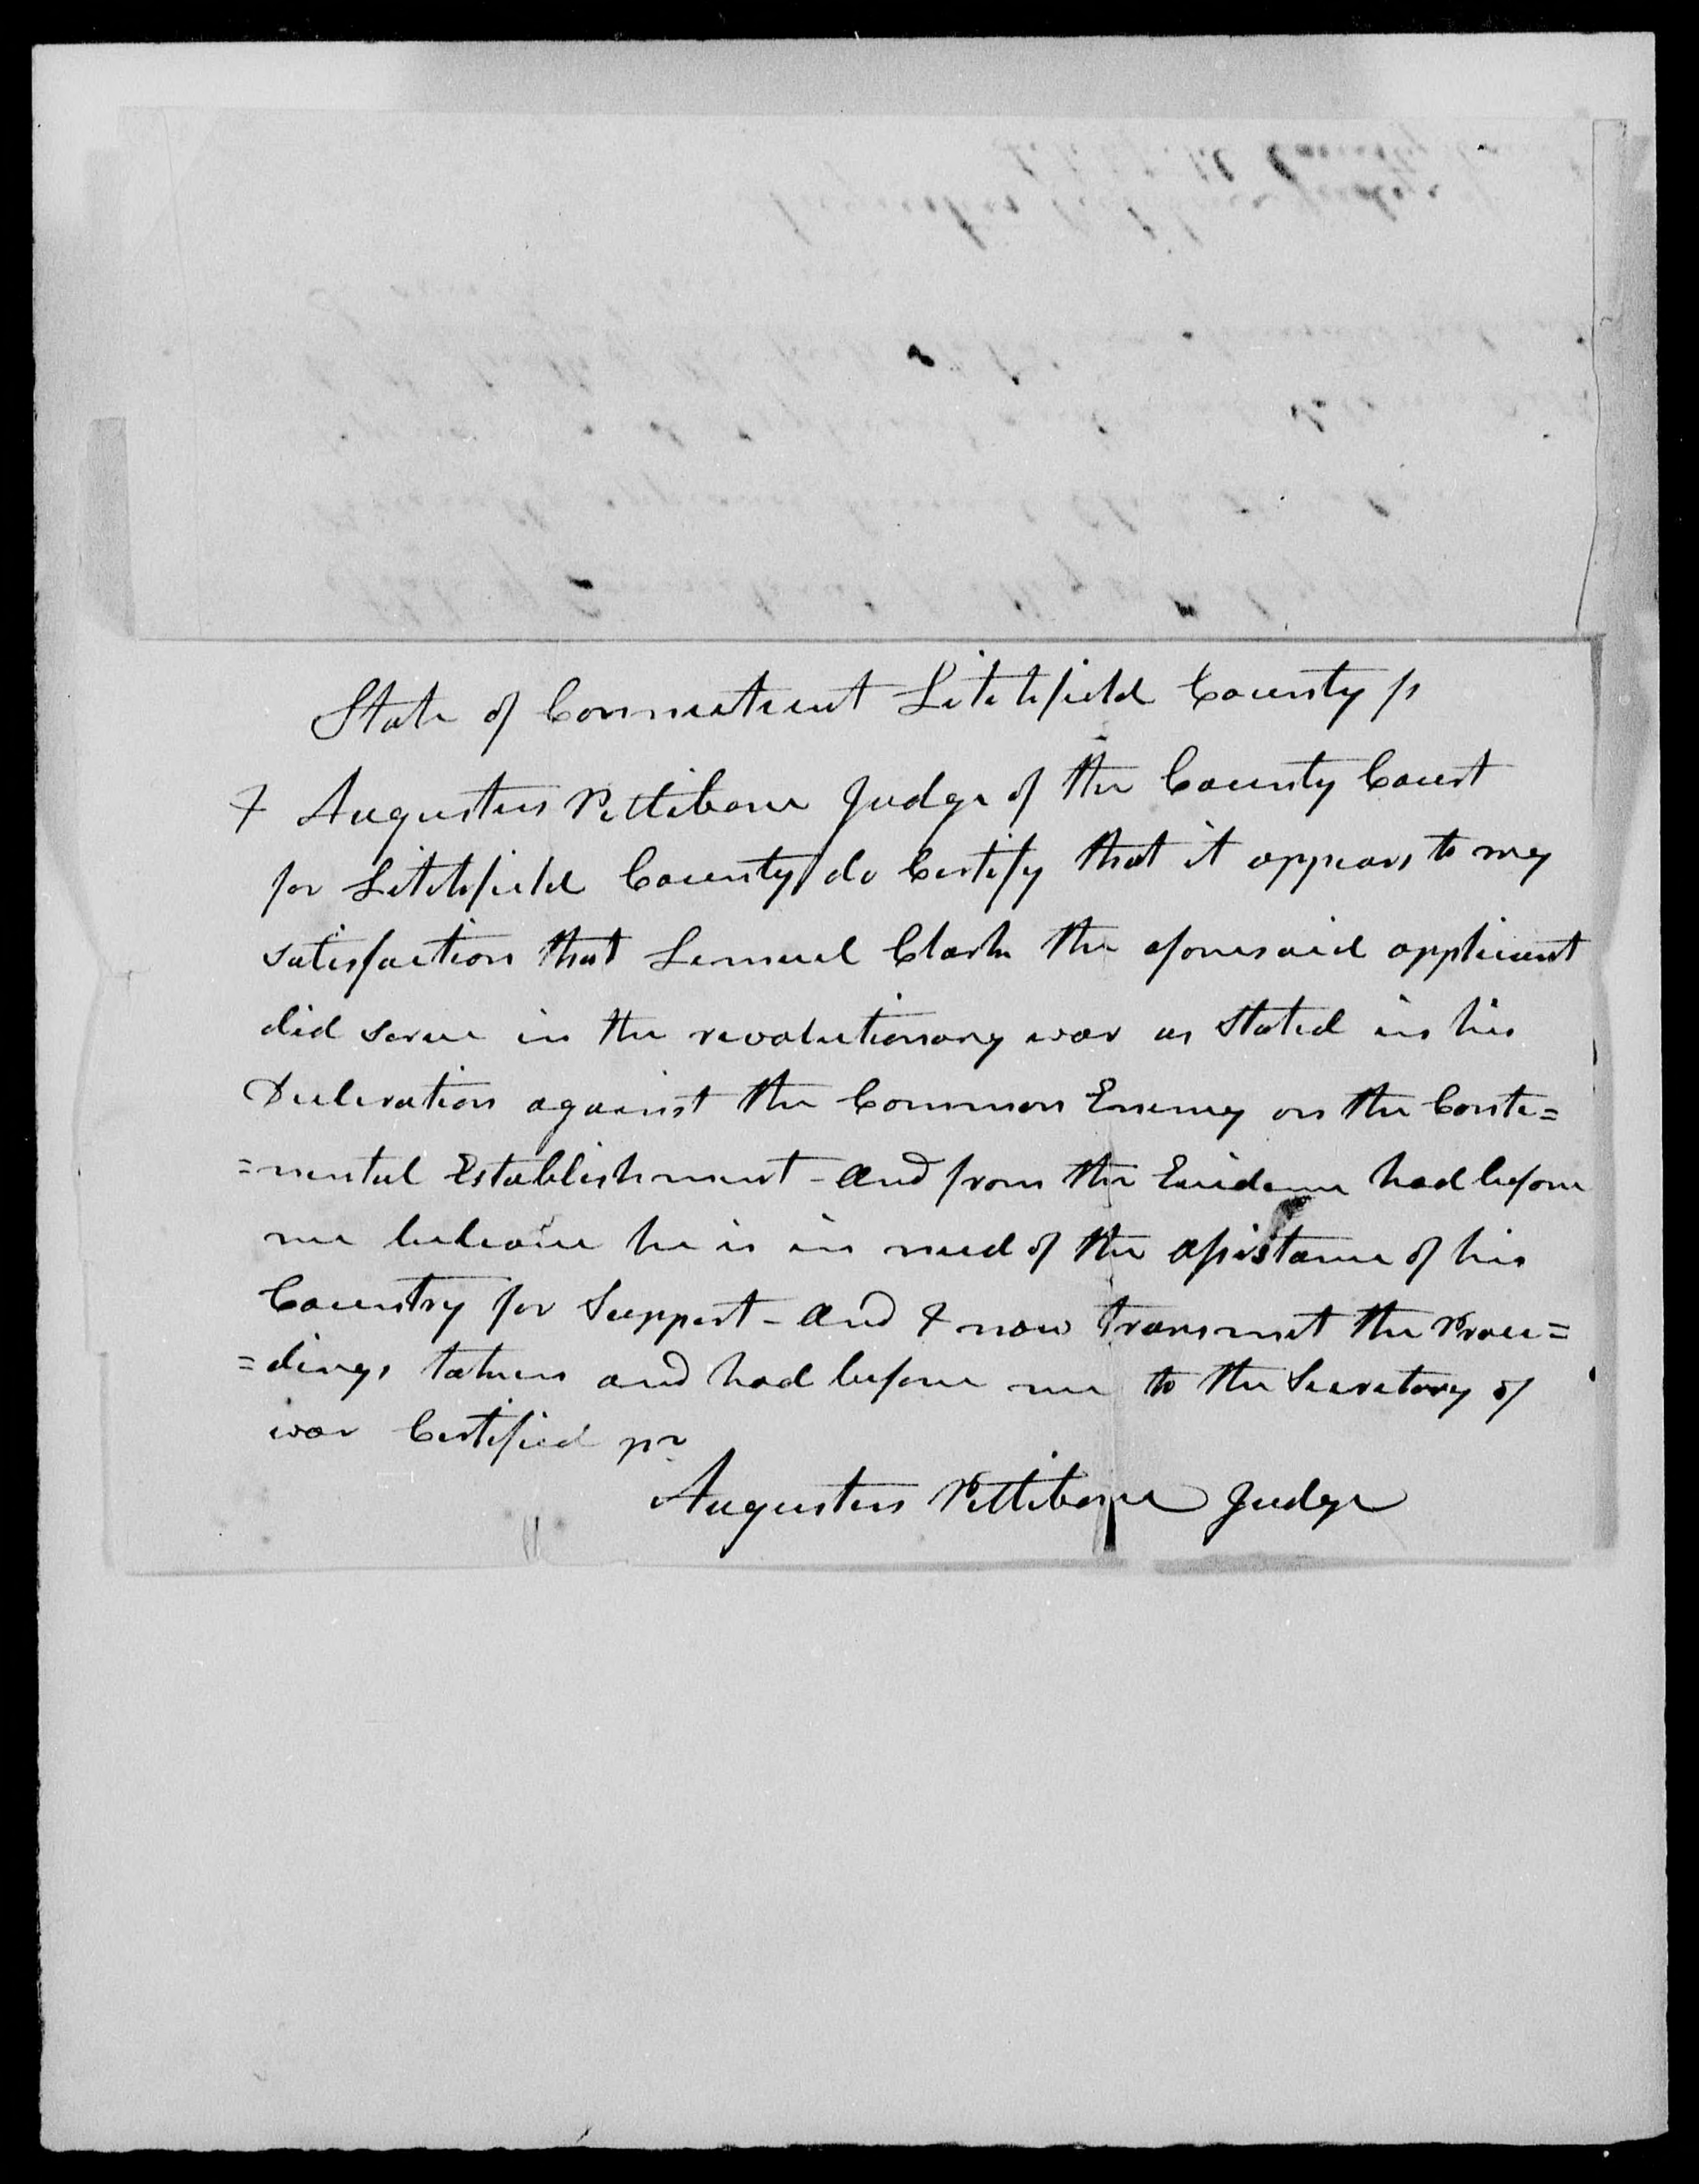State of Connecticut Litchfield County Augustus Pettibone Judge of the County Court for Litchfield County do certify that it appears to my satisfaction that Lemuel Clark the aforesaid applicant did serve in the revolutionary war as stated in his Declaration against the Common Enemy on the Continental Establishment and from the Evidence had before me believe he is in need of the assistance of his Country for Support - and I now transmit the procedings taken and had before me to the Secretary of war
certified 
Augustus Pettibone Judge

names: Augustus Pettibone, Augustus Pettibone, Lemuel Clarke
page: 41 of 48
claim: survivor's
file: S. 17343, Lemuel Clarke, Mass.